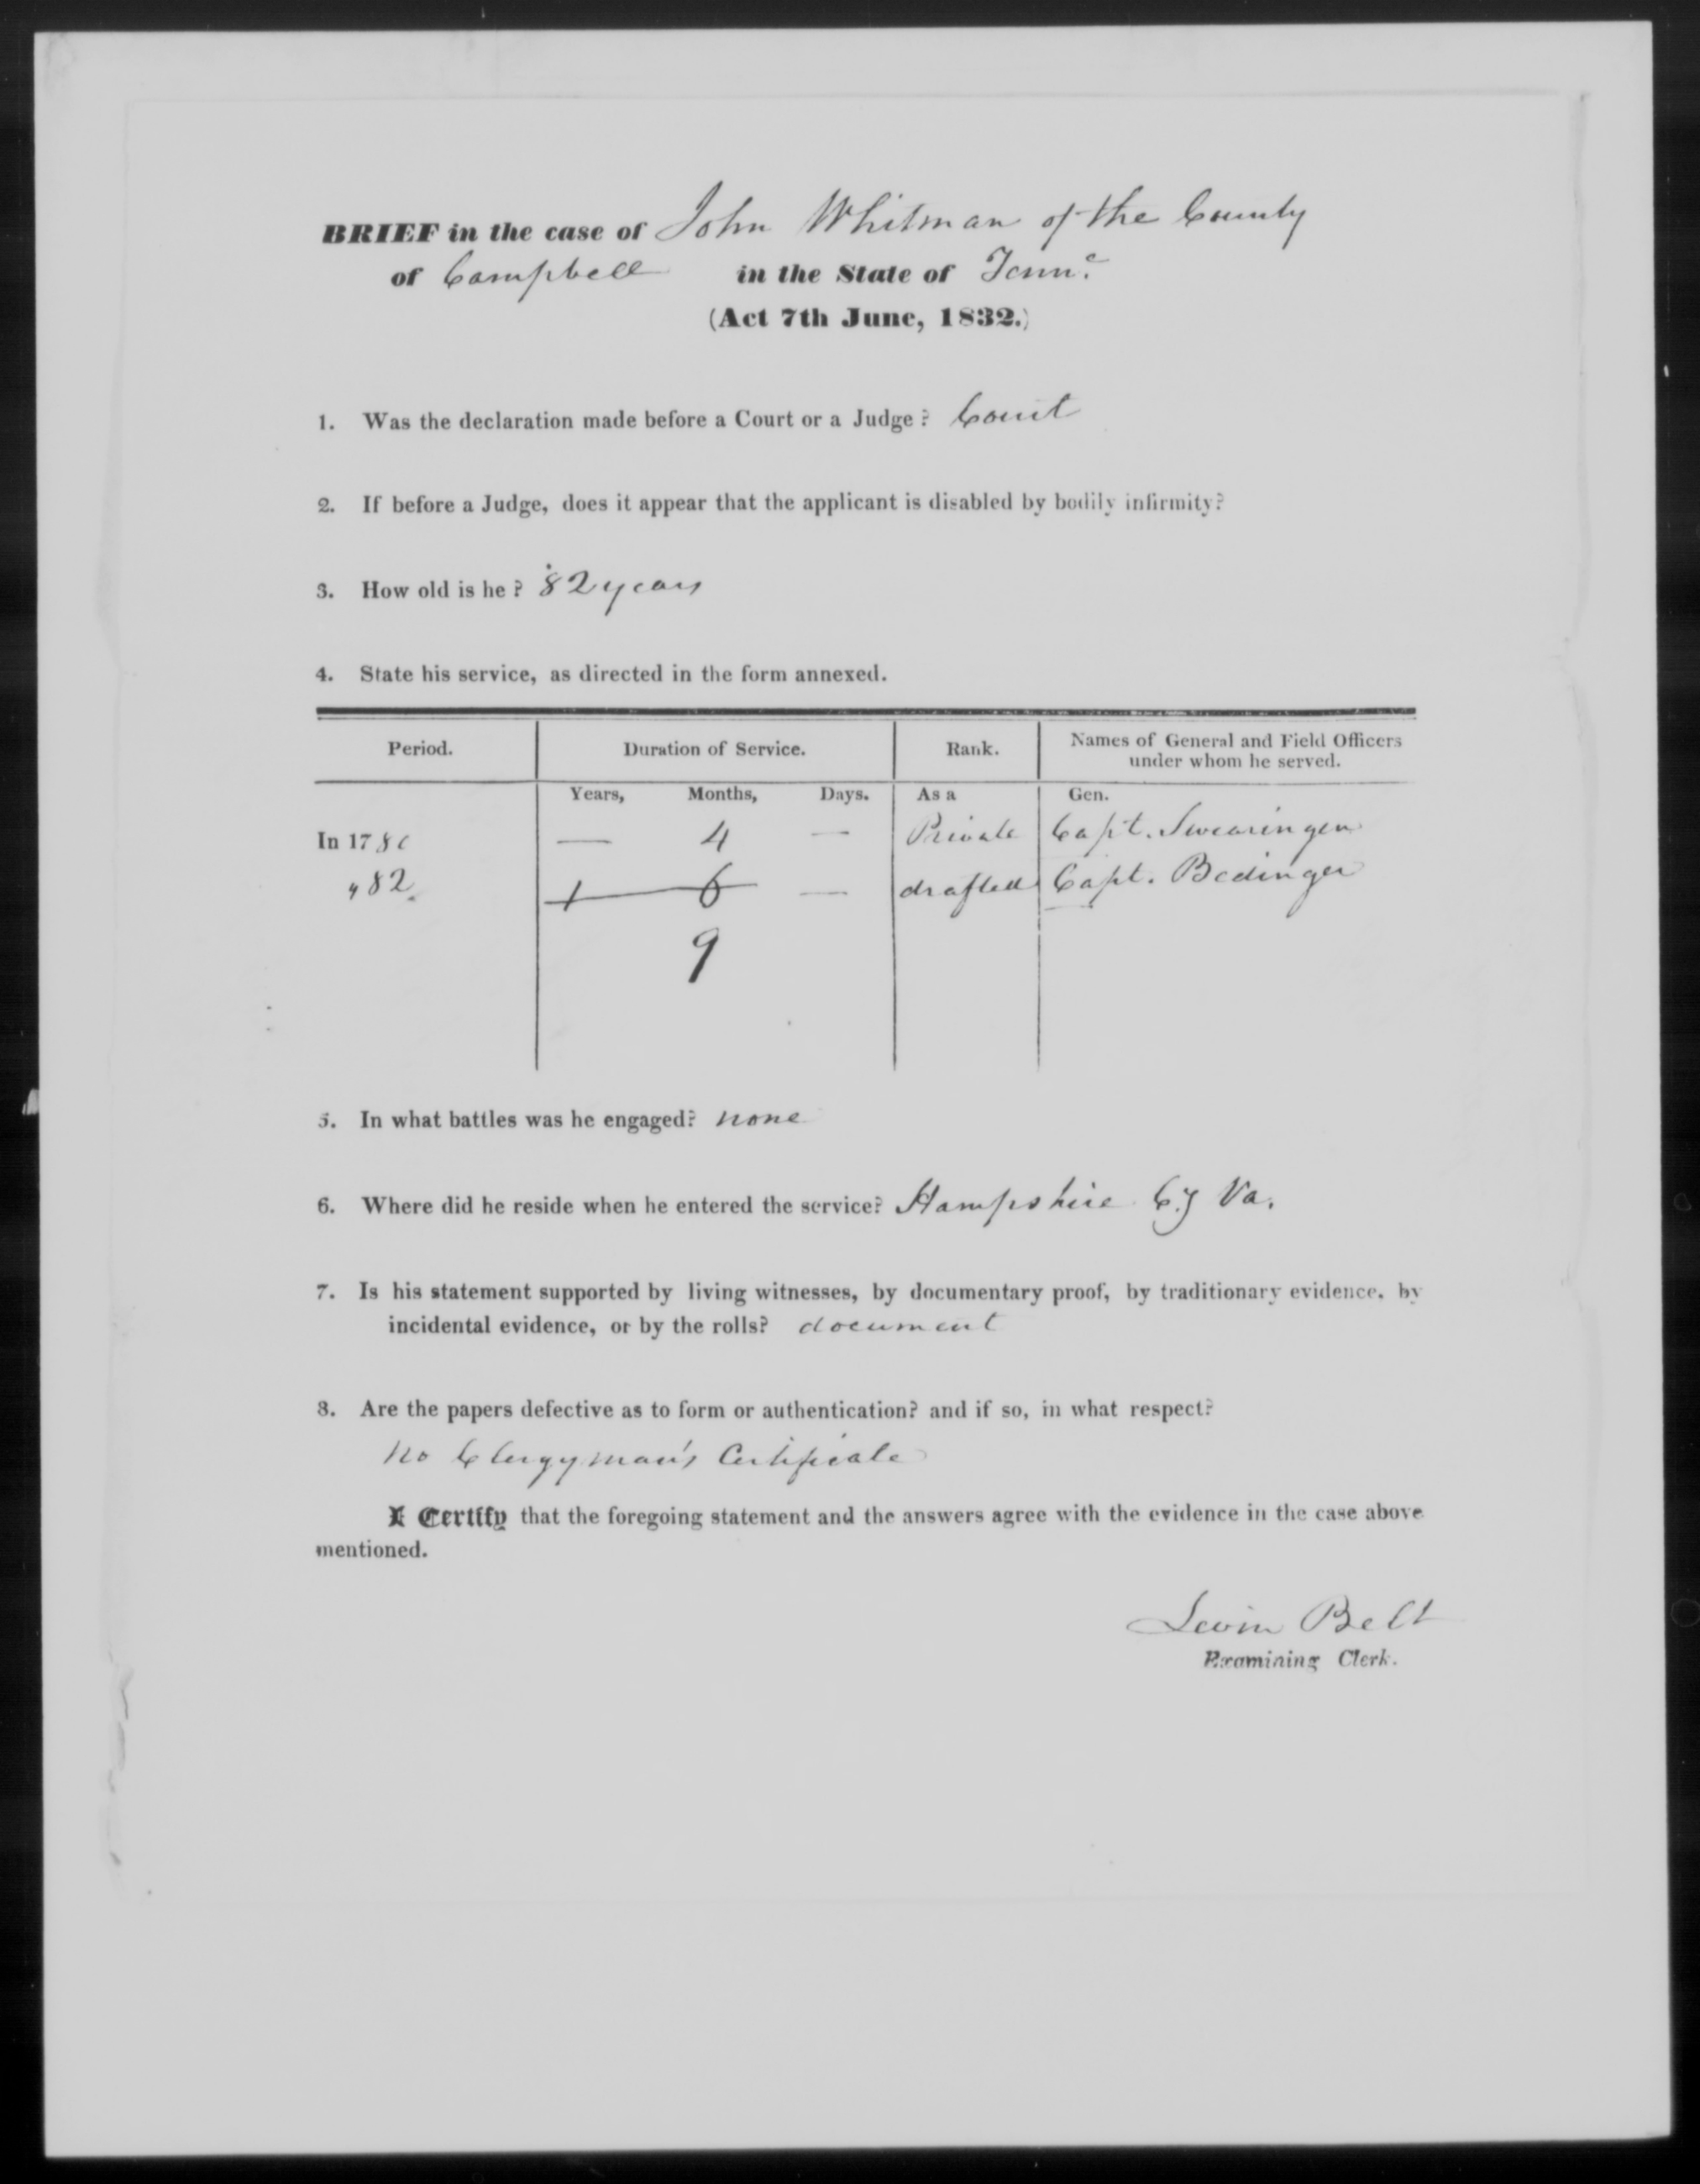BRIEF in the case of John Whitman of the County
of Campbell in the State of Tenn
(Act 7th June, 1832.)

1. Was the declaration made before a Court or a Judge? Court

2. If before a Judge, does it appear that the applicant is disabled by bodily infirmity?

3. How old is he? 82 years

4. State his service, as directed in the form annexed.

Period.
In 1780
1782
Duration of Service.
Years,_
[Crossed out, 1]
Months,
4
[Crossed out: 6]
9
Days. _
Rank.
As a
Private
drafted
Names of General and Field Officers under whom he served.
Gen.
Capt. Swearingen
Capt. Bedinger

5. In what battles was he engaged? None

6. Where did he reside when he entered the service? Hampshire Cy Va.

7. Is his statement supported by living witnesses, by documentary proof, by traditionary evidence, by incidental evidence, or by the rolls? document

8. Are the papers defective as to form or authentication? and if so, in what respect?
no Clergyman's Certificate

Certify that the foregoing statement and the answers agree with the evidence in the case above
mentioned.

Levin Belt
Examining Clerk.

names: John Whitman, Levin Belt, Swearingen, Bedinger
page: 7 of 22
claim: survivor's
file: S 2023, John Whitman, Va.